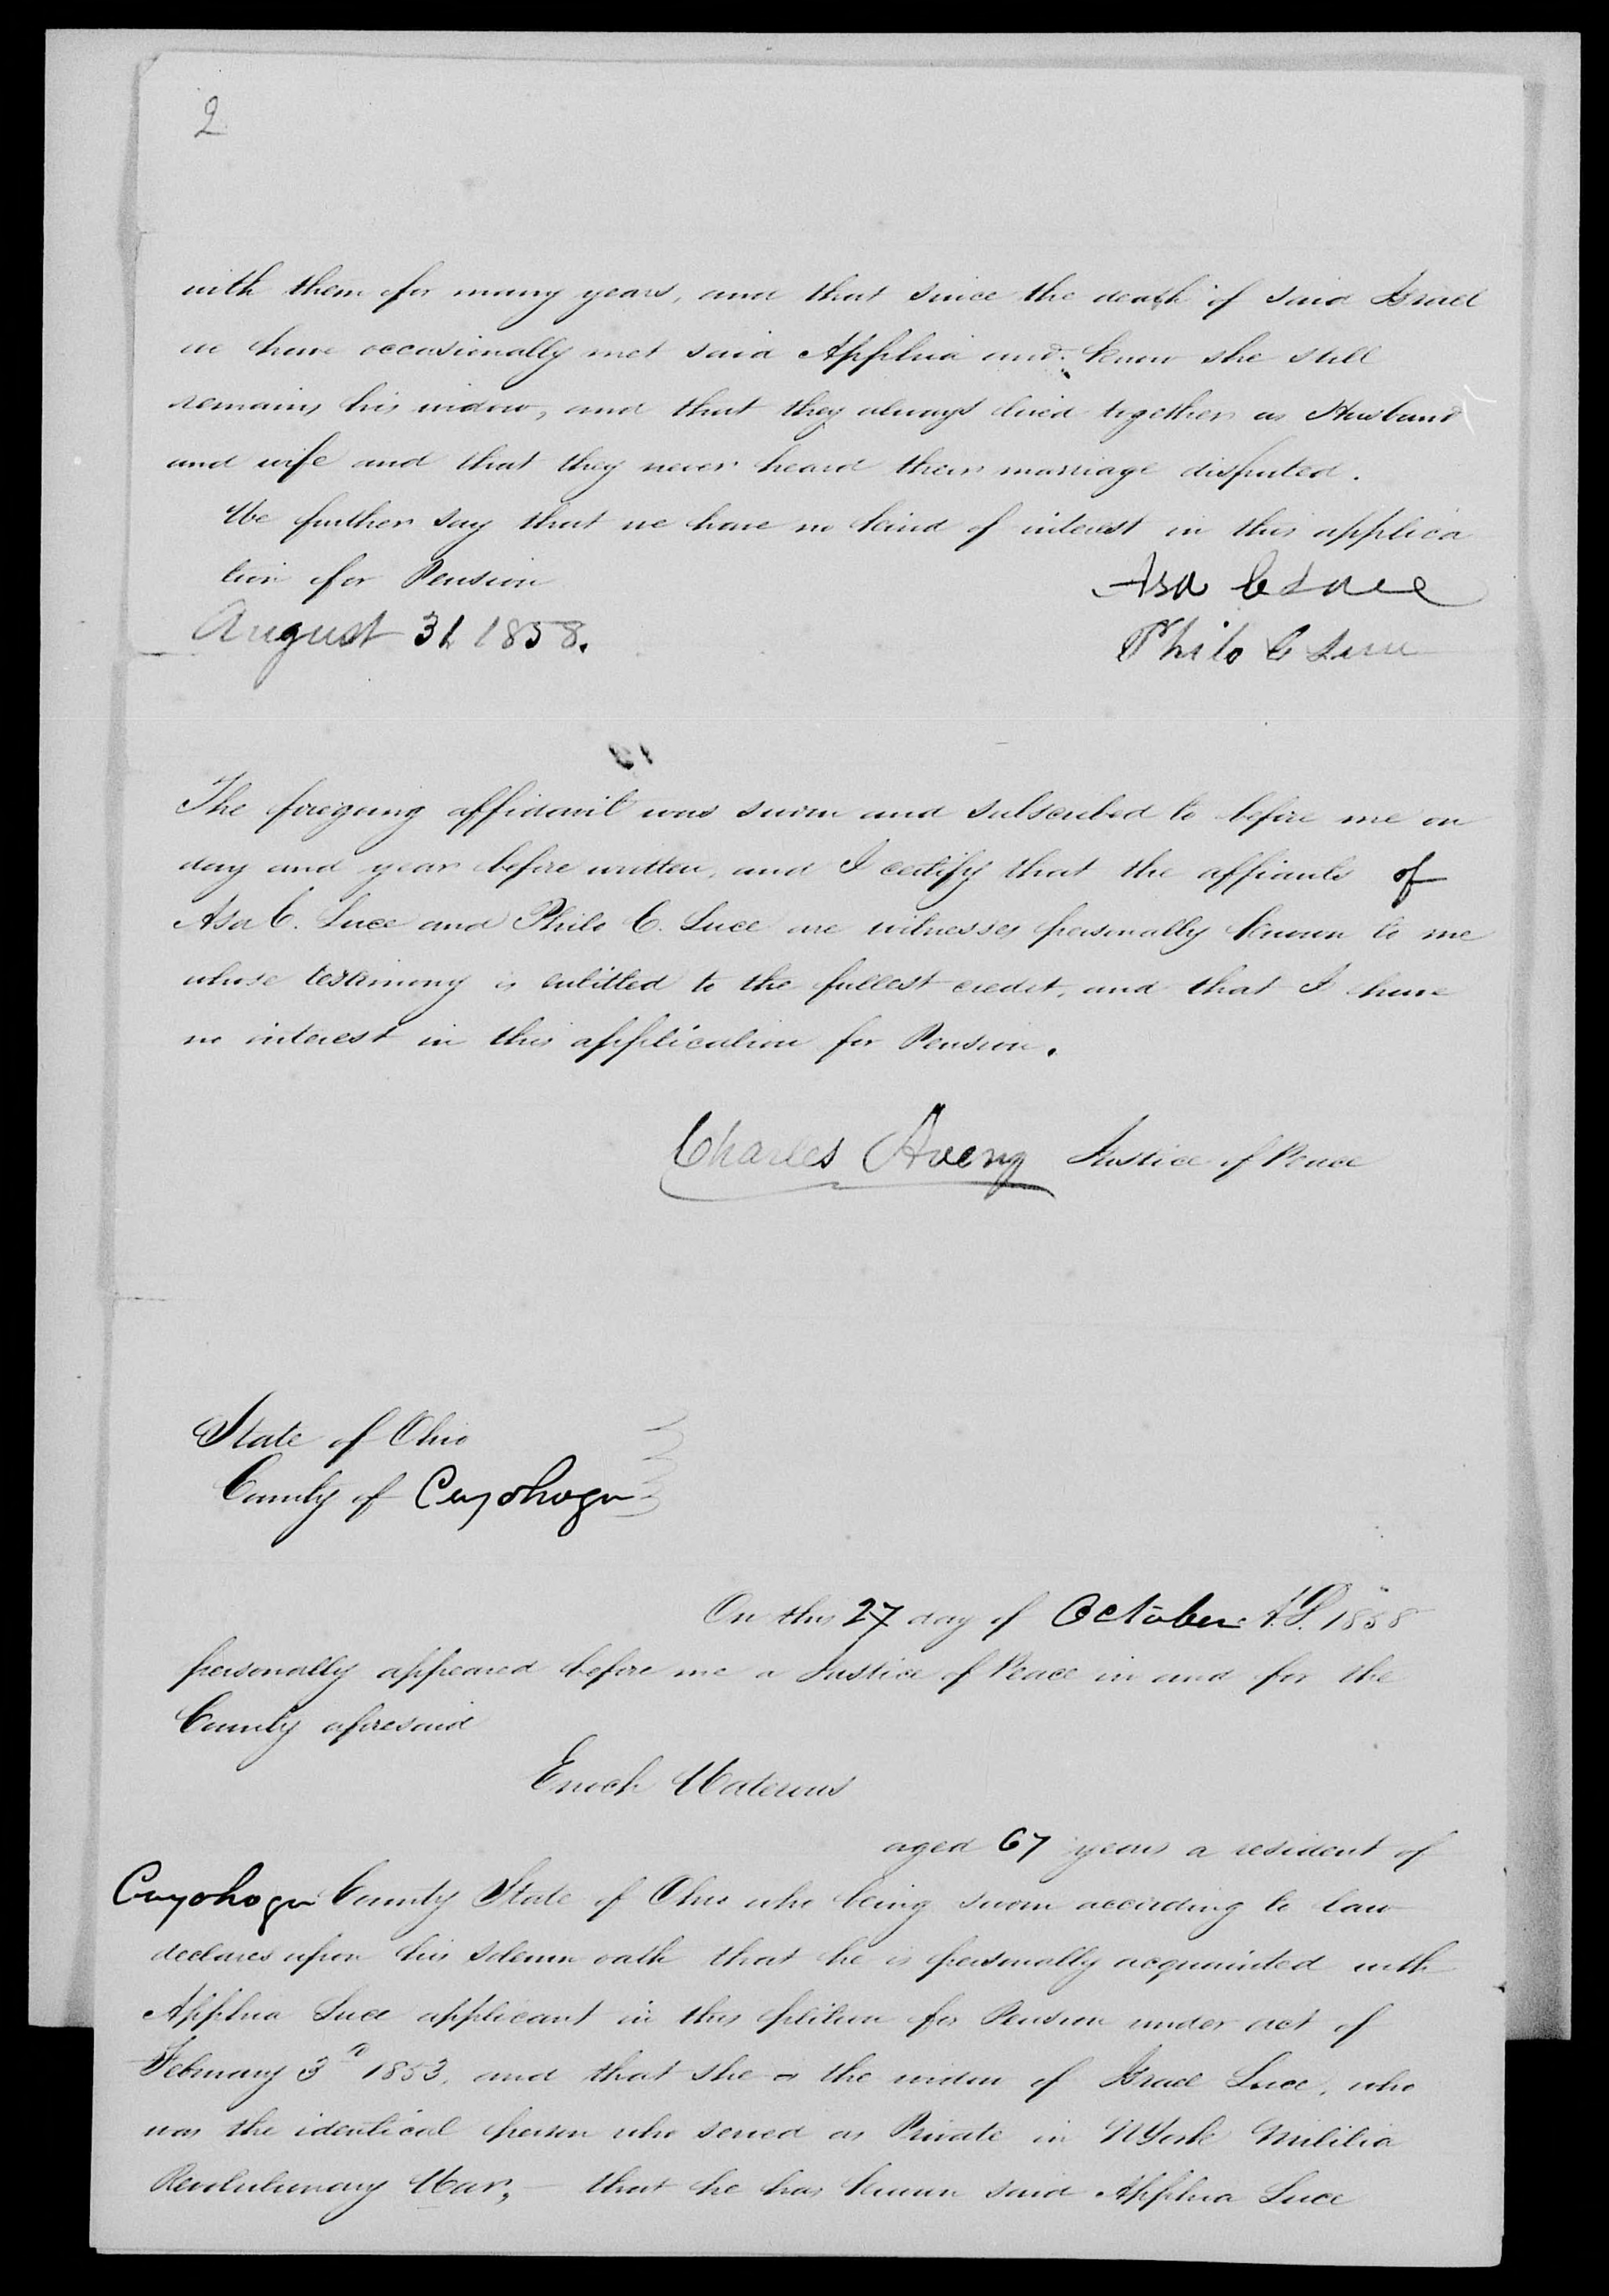with them for many years, and that since the death of said Israel we have occasionally met said Apphia and know she still remains his widow, and that thay always lived together as man and wife and that they never heard their marriage disputed.

We further say that we have no kind of interest in this application for Pension.

[signed]
Asa C Luce
Philo C Luce

August 31, 1858.

The foregoing affidavit was sworn and subscribed to before me on day and year before written, and I certify that the affiants of Asa C. Luce and Philo C. Luce are witnesses personally known to me whose testimony is entitled to the fullest credit, and that I have no interest in the application for Pension.

[signed]
Charles Avery Justice of Peace

State of Ohio
County of Cuyahoga

On the 27 day of October A.D. 1858 personally appeared before me a Justice of Peace in and for the County aforesaid Enoch Watrous aged 67 years a resident of Cuyahoga County State of Ohio who being sworn according to law declares upon his solemn oath that he is personally acquainted with Apphia Luce applicant in the petition for Pension under act of February 3rd 1853, and that she is the widow of Israel Luce, who was the identical person who served as Private in NYork Militia Revolutionary War, that he has known said Apphia Luce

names: Philo C Luce; Charles Avery; Enoch Waterous; Israel Luce; Asa C Luce; Apphia Luce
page: 16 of 70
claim: rejected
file: R. 6510, for Israel Luce, New York